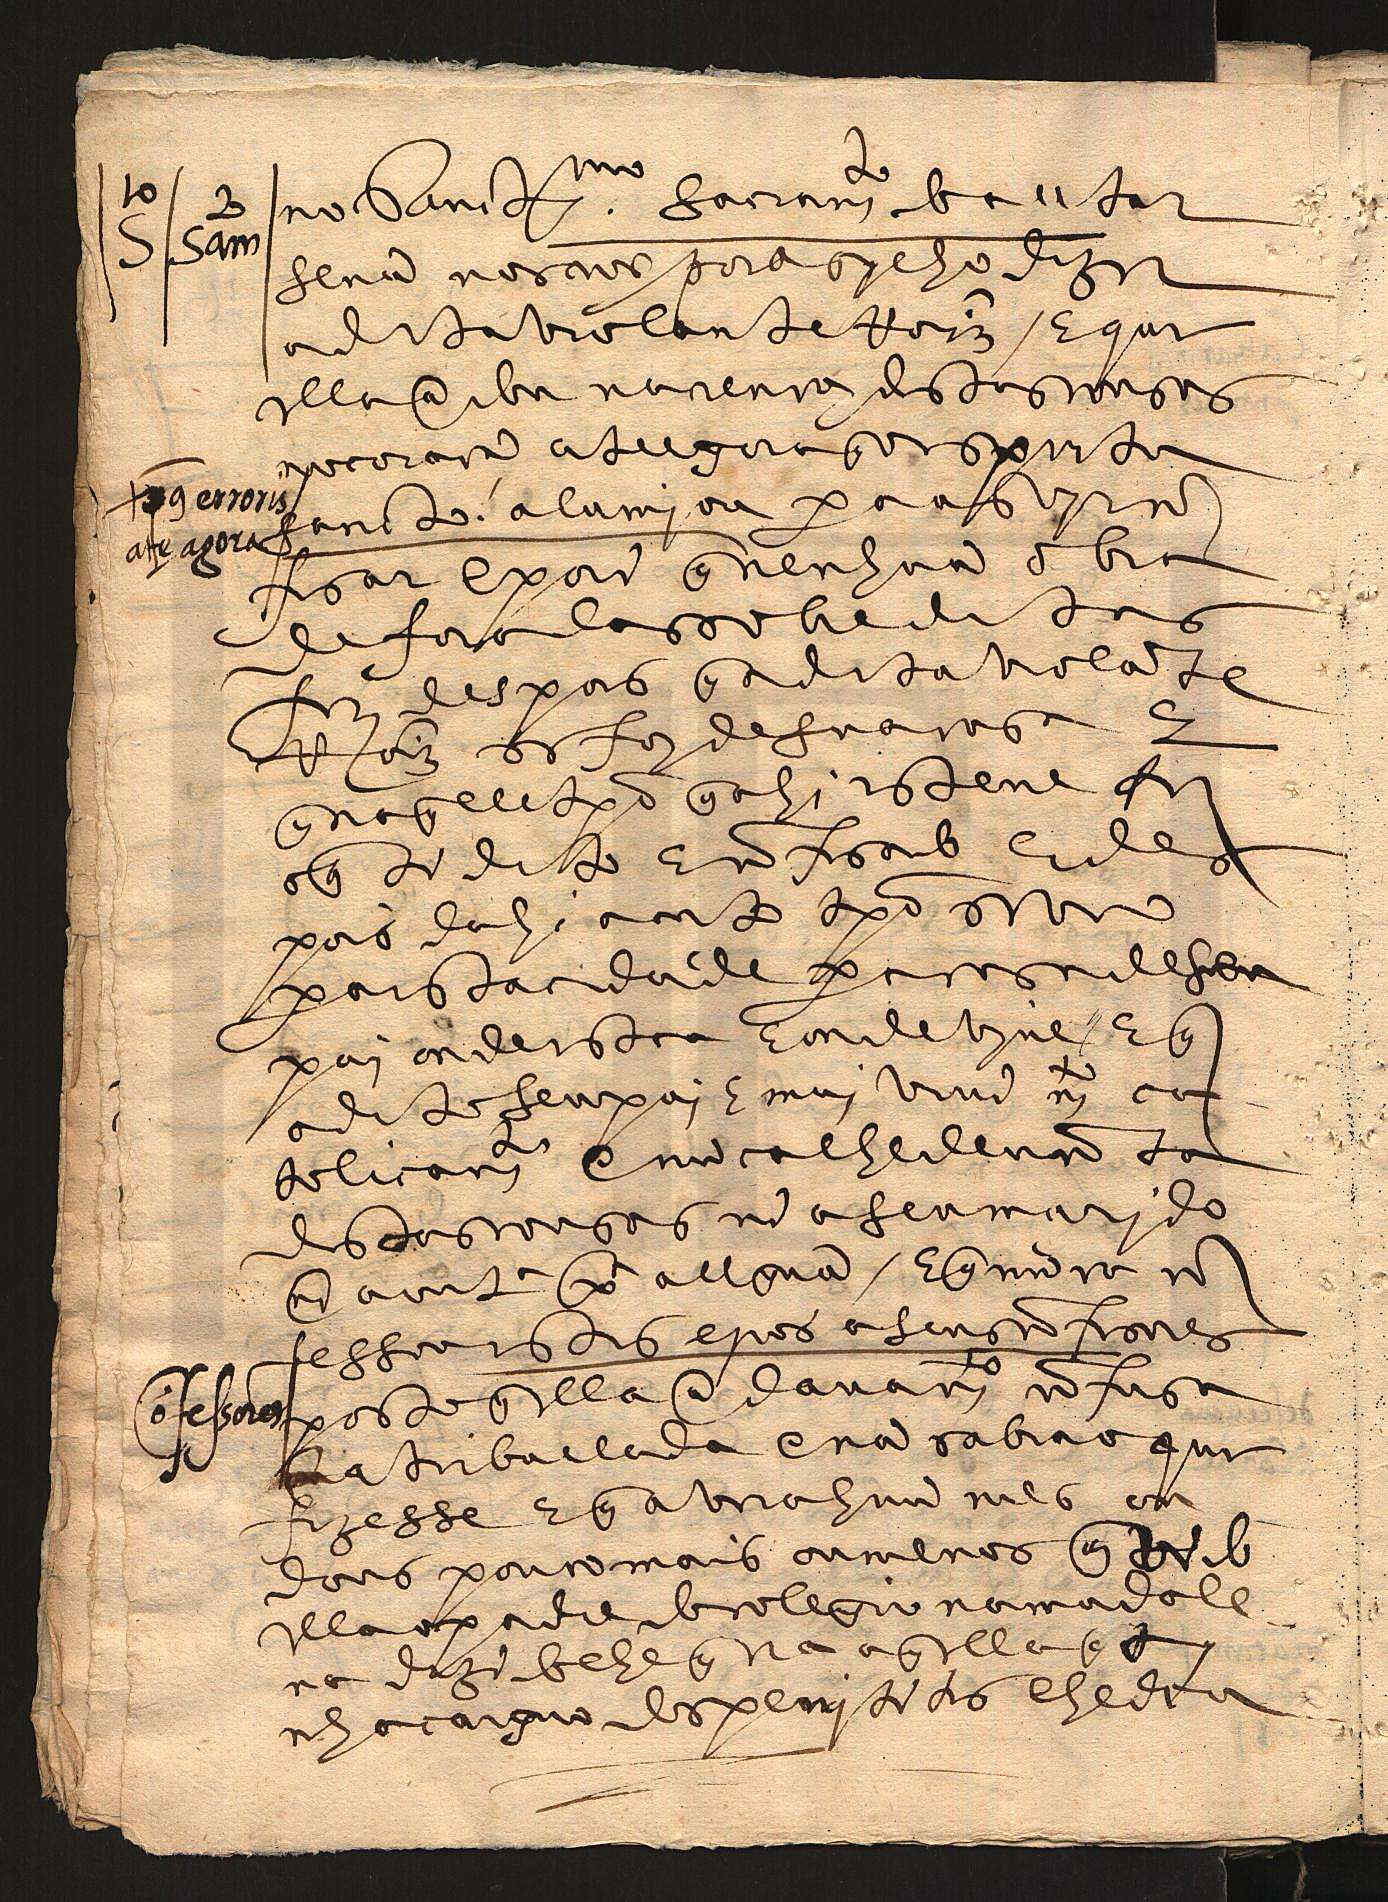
Sto Samto
tp̄ꝯ erroris
ate agora
Cōfessores
no Sanctjmo sacramto do alltar
senā nos çeos por asy lho dizer
a dita violante Roīz / E que
ella ādou na crença destas cousas
no coraçā atee gora q̄ o esprito
sancto. alumjou ꝑa as vjr cō
fesar e porē q̄ nenhuā obra
de fora das sobreditas
fez despois q̄ a dita violāte
Roīz se foj de sua casa E
q̄ naq̄lle tpō q̄ ahi esteue fez
o q̄ tē dito E cōfesado E des
pois dahi a çerto tpō se veo
ꝑa esta cidade ꝑa casa de seu
paj onde estaa E onde vjue E q̄
o dito seu paj E maj viuē mto ca
tolicamte e nūca lhe deu cōta
destas cousas nē a seu marjdo
nē a outa p̄a allguā / E q̄ nūca cō
fessou estes erros a seus cōfesores
posto q̄ ella ādaua mto cōfusa
e atribullada e nā sabia o que
fizesse E q̄ avera huū mes ou
dous pouco mais ou menos q̄ vēdo
ella o padre do colegio na madale
na dizēdo lhe q̄ era aq̄lla q̄ tj
nha carguo dos penjtētes lhe deu
